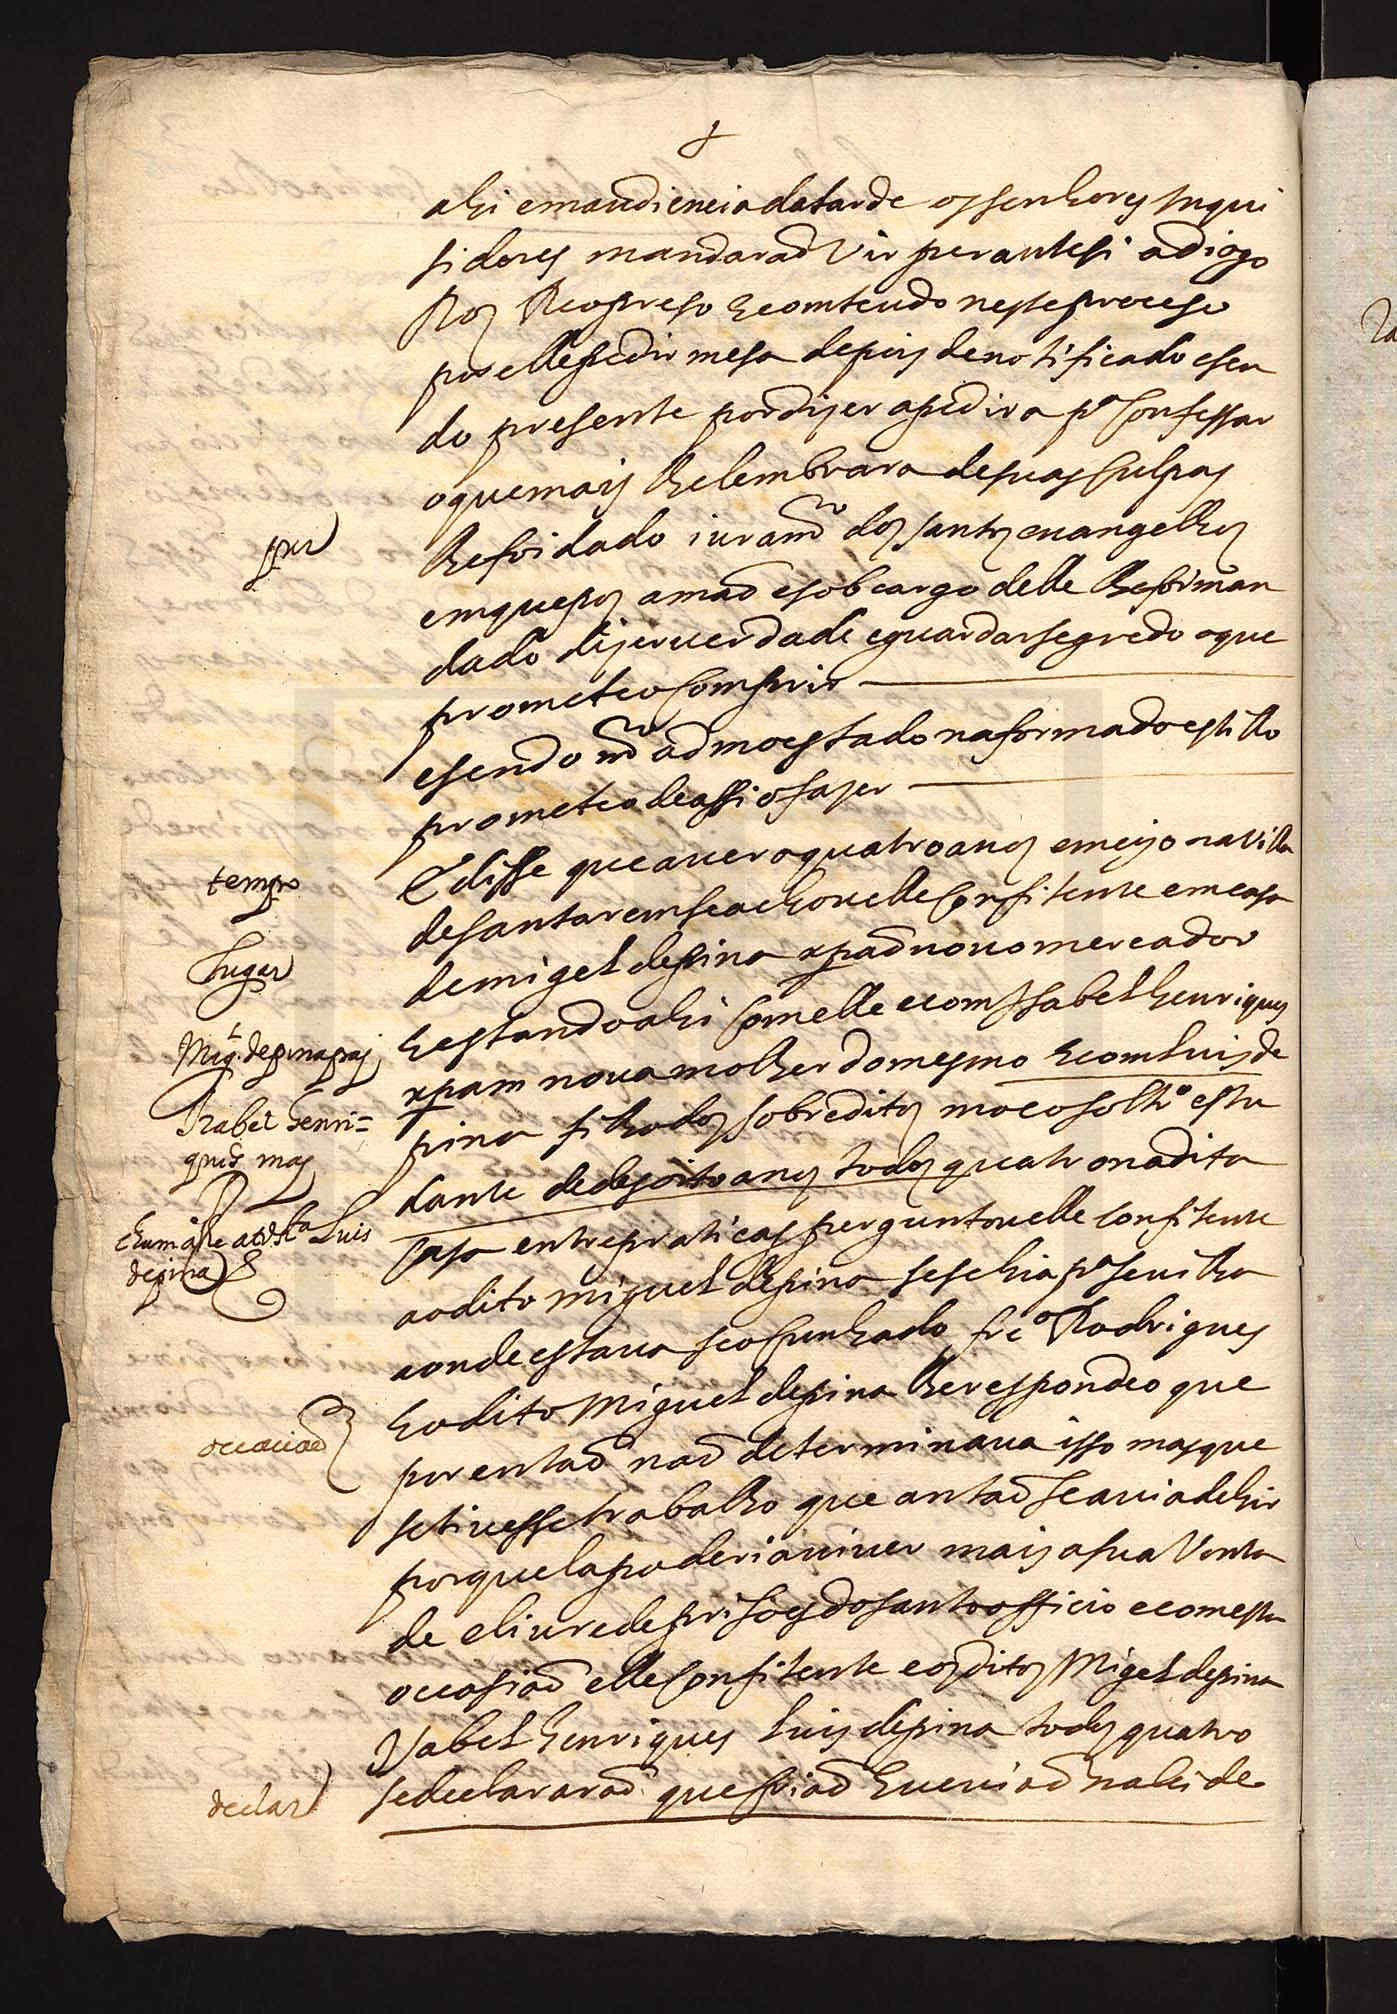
ahi em audiencia da tarde os senhores Inqui
sidores mandarão vir perante si a diogo
Roz Reo preso E comteudo neste proceso
por elle pedir mesa depois de notificado e sen
do presente por dizer a pedira pa Confessar
o que mais lhe lembrara de suas Culpas
lhe foi dado iuramto doz Santoz euangelhoz
em que poz a mão e sob cargo delle lhe foi man
dado dizer uerdade e guardar segredo o que
prometeo Comprir
e sendo mto admoestado na forma do estillo
prometeo de assi o fazer
E disse que auera quatro anoz e meyo na villa
de santarem se achou elle Confitente em casa
de migeL de pina xꝑão nouo mercador
E estando ahi Com elle e com JsabeL henriques
xꝑam noua molher do mesmo E com Luis de
pina filho doz sobreditoz moco soltro estu
dante de desoito anoz todoz quatro na dita
Casa entre praticas perguntou elle confitente
ao dito migueL de pina se se hia pa seuilha
aonde estaua seo Cunhado frco Rodrigues
E o dito MigueL de pina lhe respondeo que
por entaõ naõ determinaua isso mas que
se tiuesse trabalho que antaõ se auia de hir
porque la poderia uiuer mais a sua Vonta
de e liure de prisoes do santo officio e com essa
occasião elle Confitente e oz ditoz MigeL de pina
JsabeL henriques Luis de pina todoz quatro
se declararaõ que Crião E ueuiaõ na lei de
